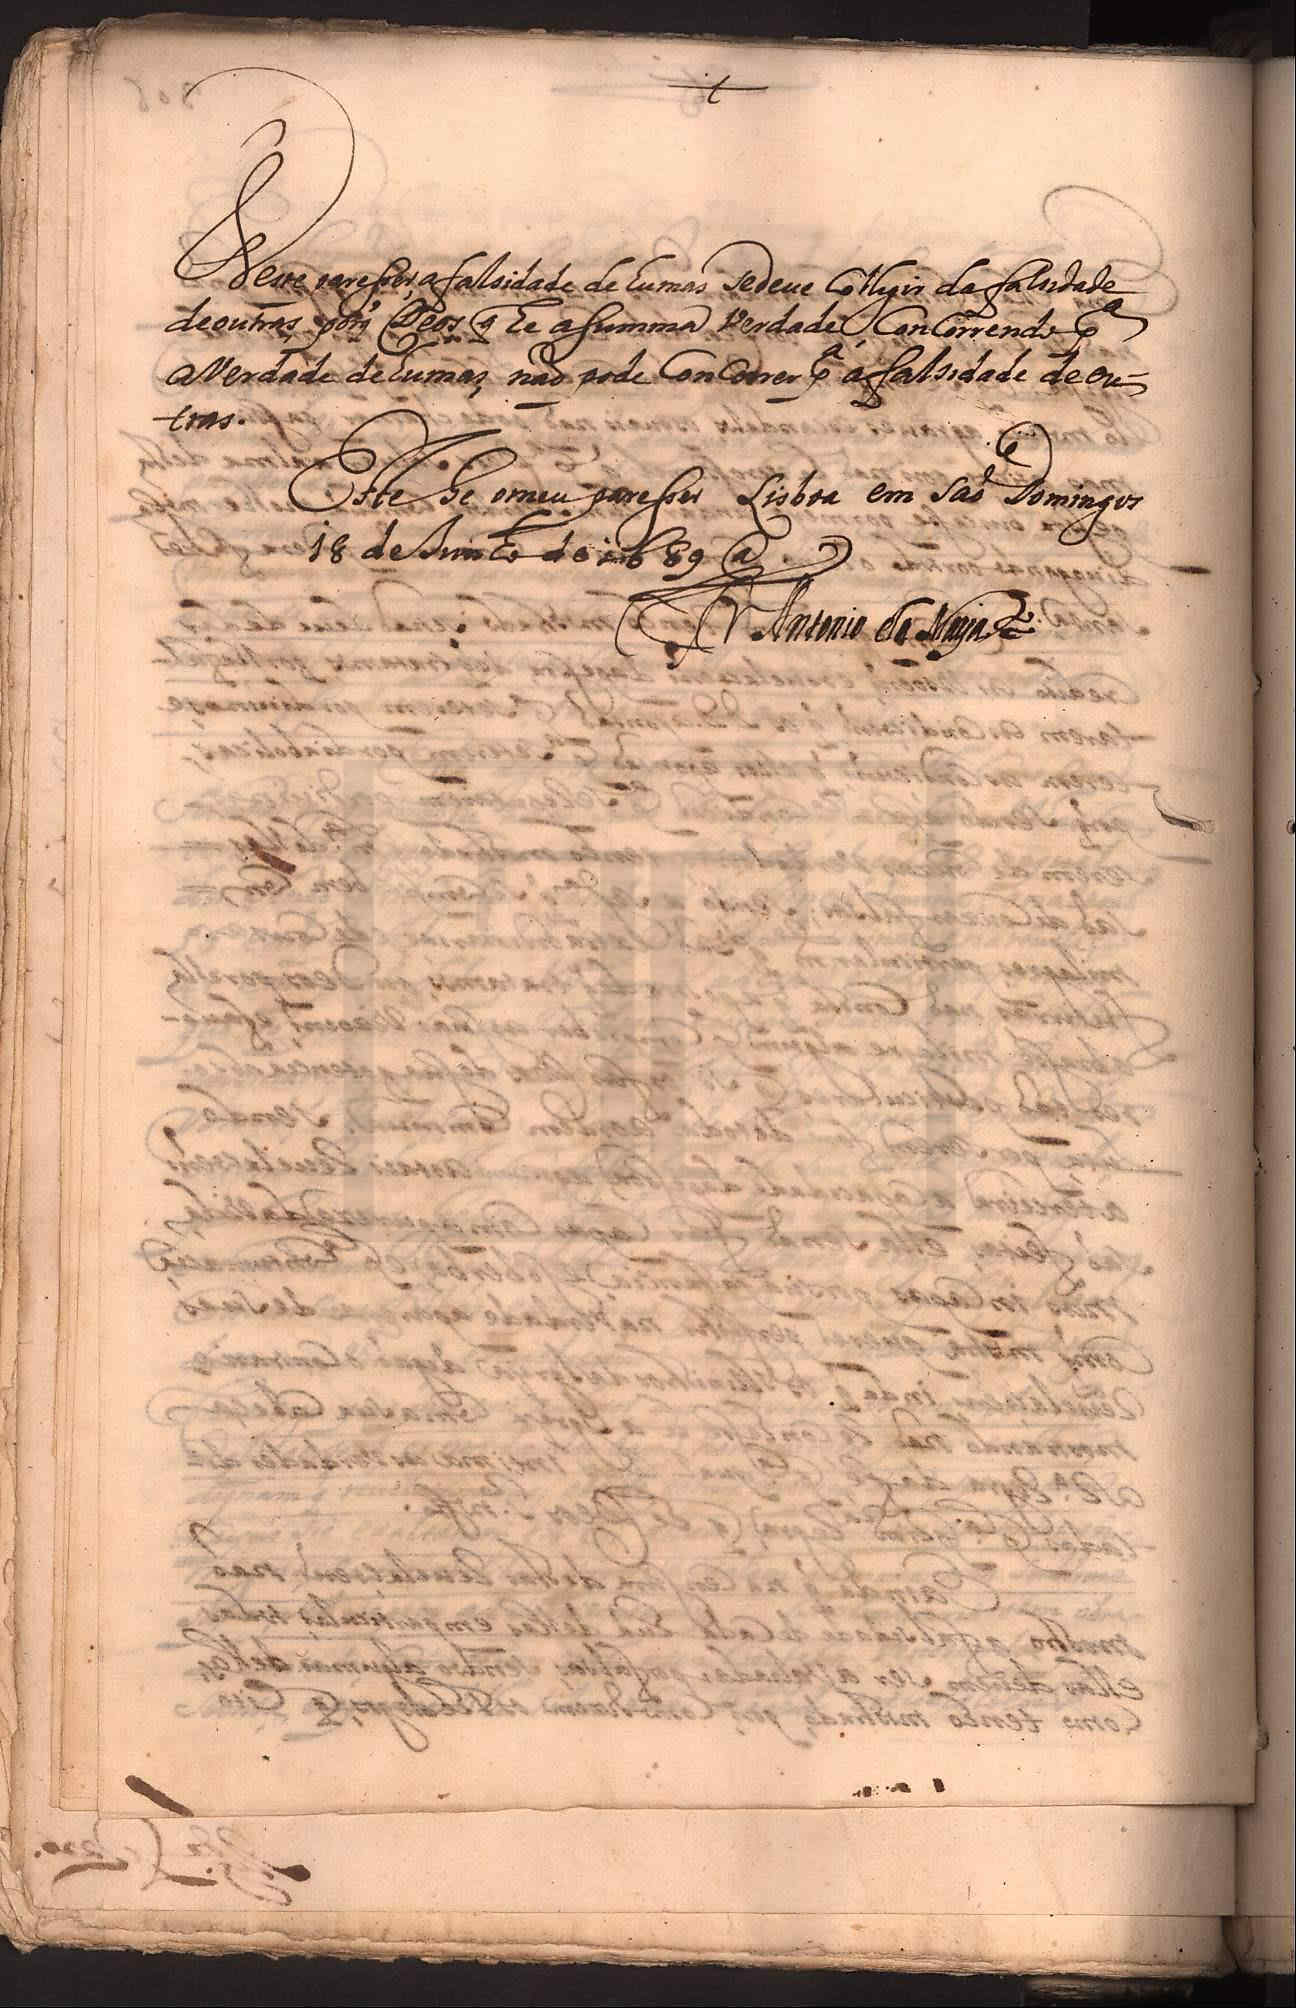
Neste pareser a falsidade de humas se deue Collegir da falsidade
de outras porq̄ Deos q̄ he a summa verdade Concorrendo pa
a verdade de humas, naõ pode Concorrer pa a falsidade de ou
tras.
Este he o meu paresser Lisboa em Saõ Domingos
18 de Iunho de 1689 ā
fr Antonio da Maya
